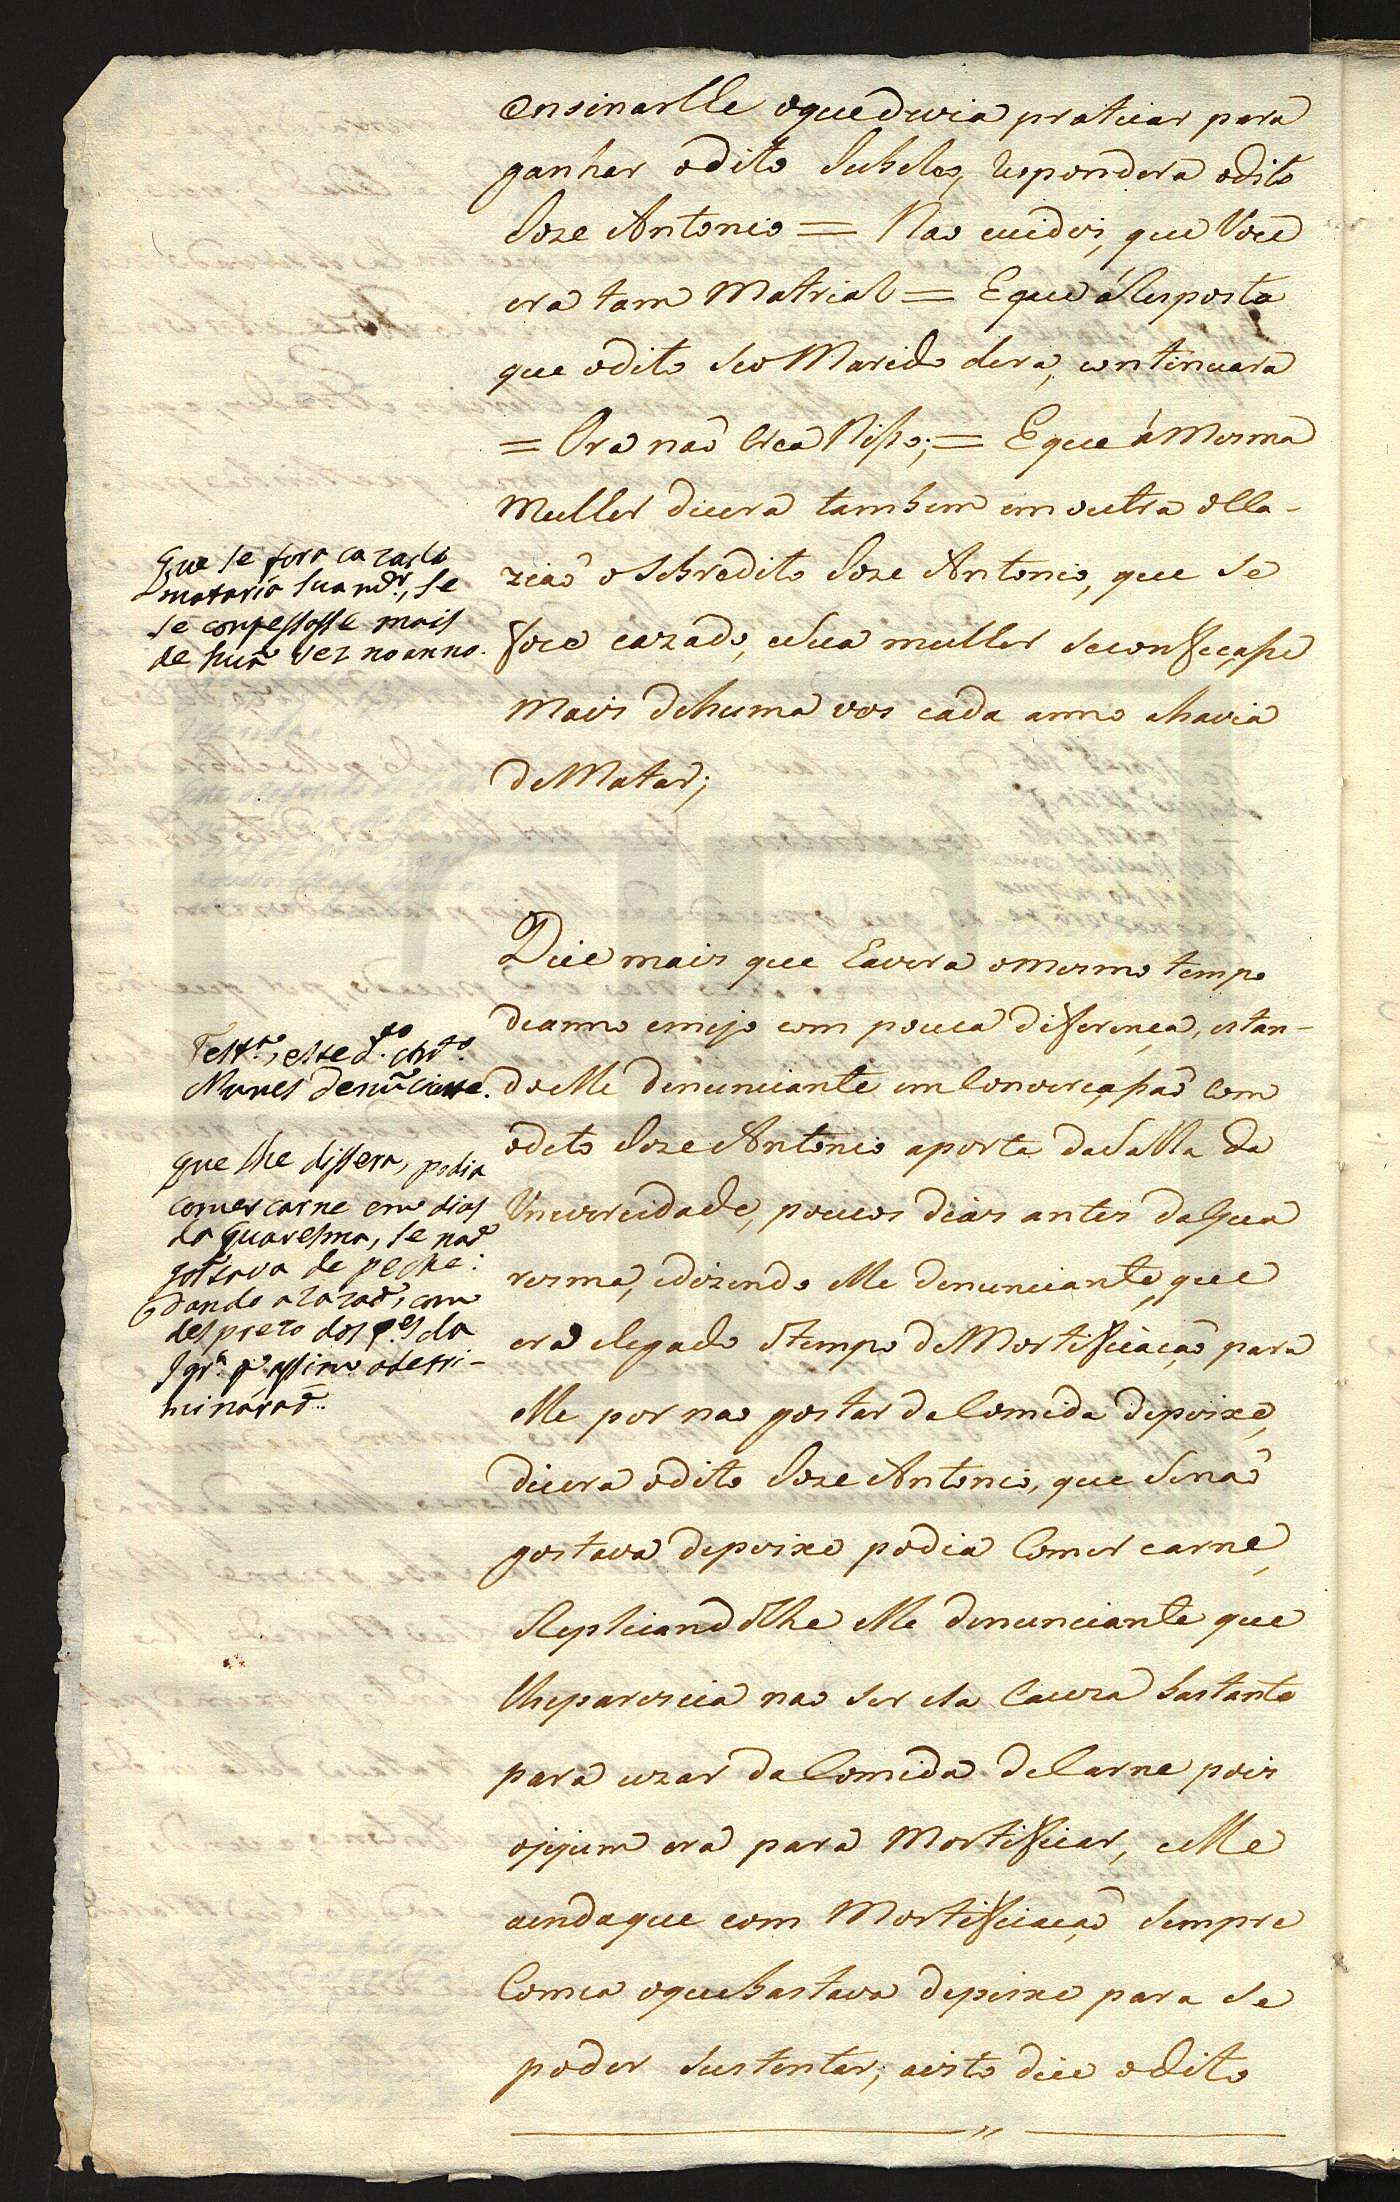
Que se fora cazado
mataría sua m.er, se
se confessasse mais
de huā vez no anno.
Test.a, este d.to Anto.
Nunes denūciante.
que lhe dissera, podia
comer carne em dias
da Quaresma, se naõ
gostava de peche:
dando a Razaõ, com
desprezo dos P.es da
Jgr.a q̄ assim o detri
mináraõ.
ensinandolhe o que devia praticar para
ganhar o dito Iubeleo, Respondera o dito
Ioze Antonio = Nao cuidei, que Voce
era tam Matrial = E que á Resposta
que o dito Seo Marido dera, continuara
= Ora naõ crea Nisso; = E que á mesma
mulher dicera tambem em outra occa
ziaõ o sobredito Ioze Antonio, que se
foce cazado, e sua mulher se confeçasse
mais de huma ves cada anno a havia
de Matar;
Dice mais que havera o mesmo tempo
de anno e mejo com pouca diferença, estan
do elle denunciante em Converçassaõ com
o dito Ioze Antonio a porta da Salla da
Univercidade, poucos dias antes da Qua
resma, e dizendo elle denunciante, que
era chegado o tempo de Mortificaçaõ para
elle por nao gostar da Comida de peixe,
dicera o dito Ioze Antonio, que senaõ
gostava de peixe podia Comer carne,
Replicandolhe elle denunciante que
lhe parescia nao ser esa Cauza bastante
para uzar da Comida de Carne, pois
o jejum era para Mortificar, e elle
ainda que com Mortificaçaõ sempre
Comia o que bastava de peixe para se
poder sustentar; a isto dice o dito
